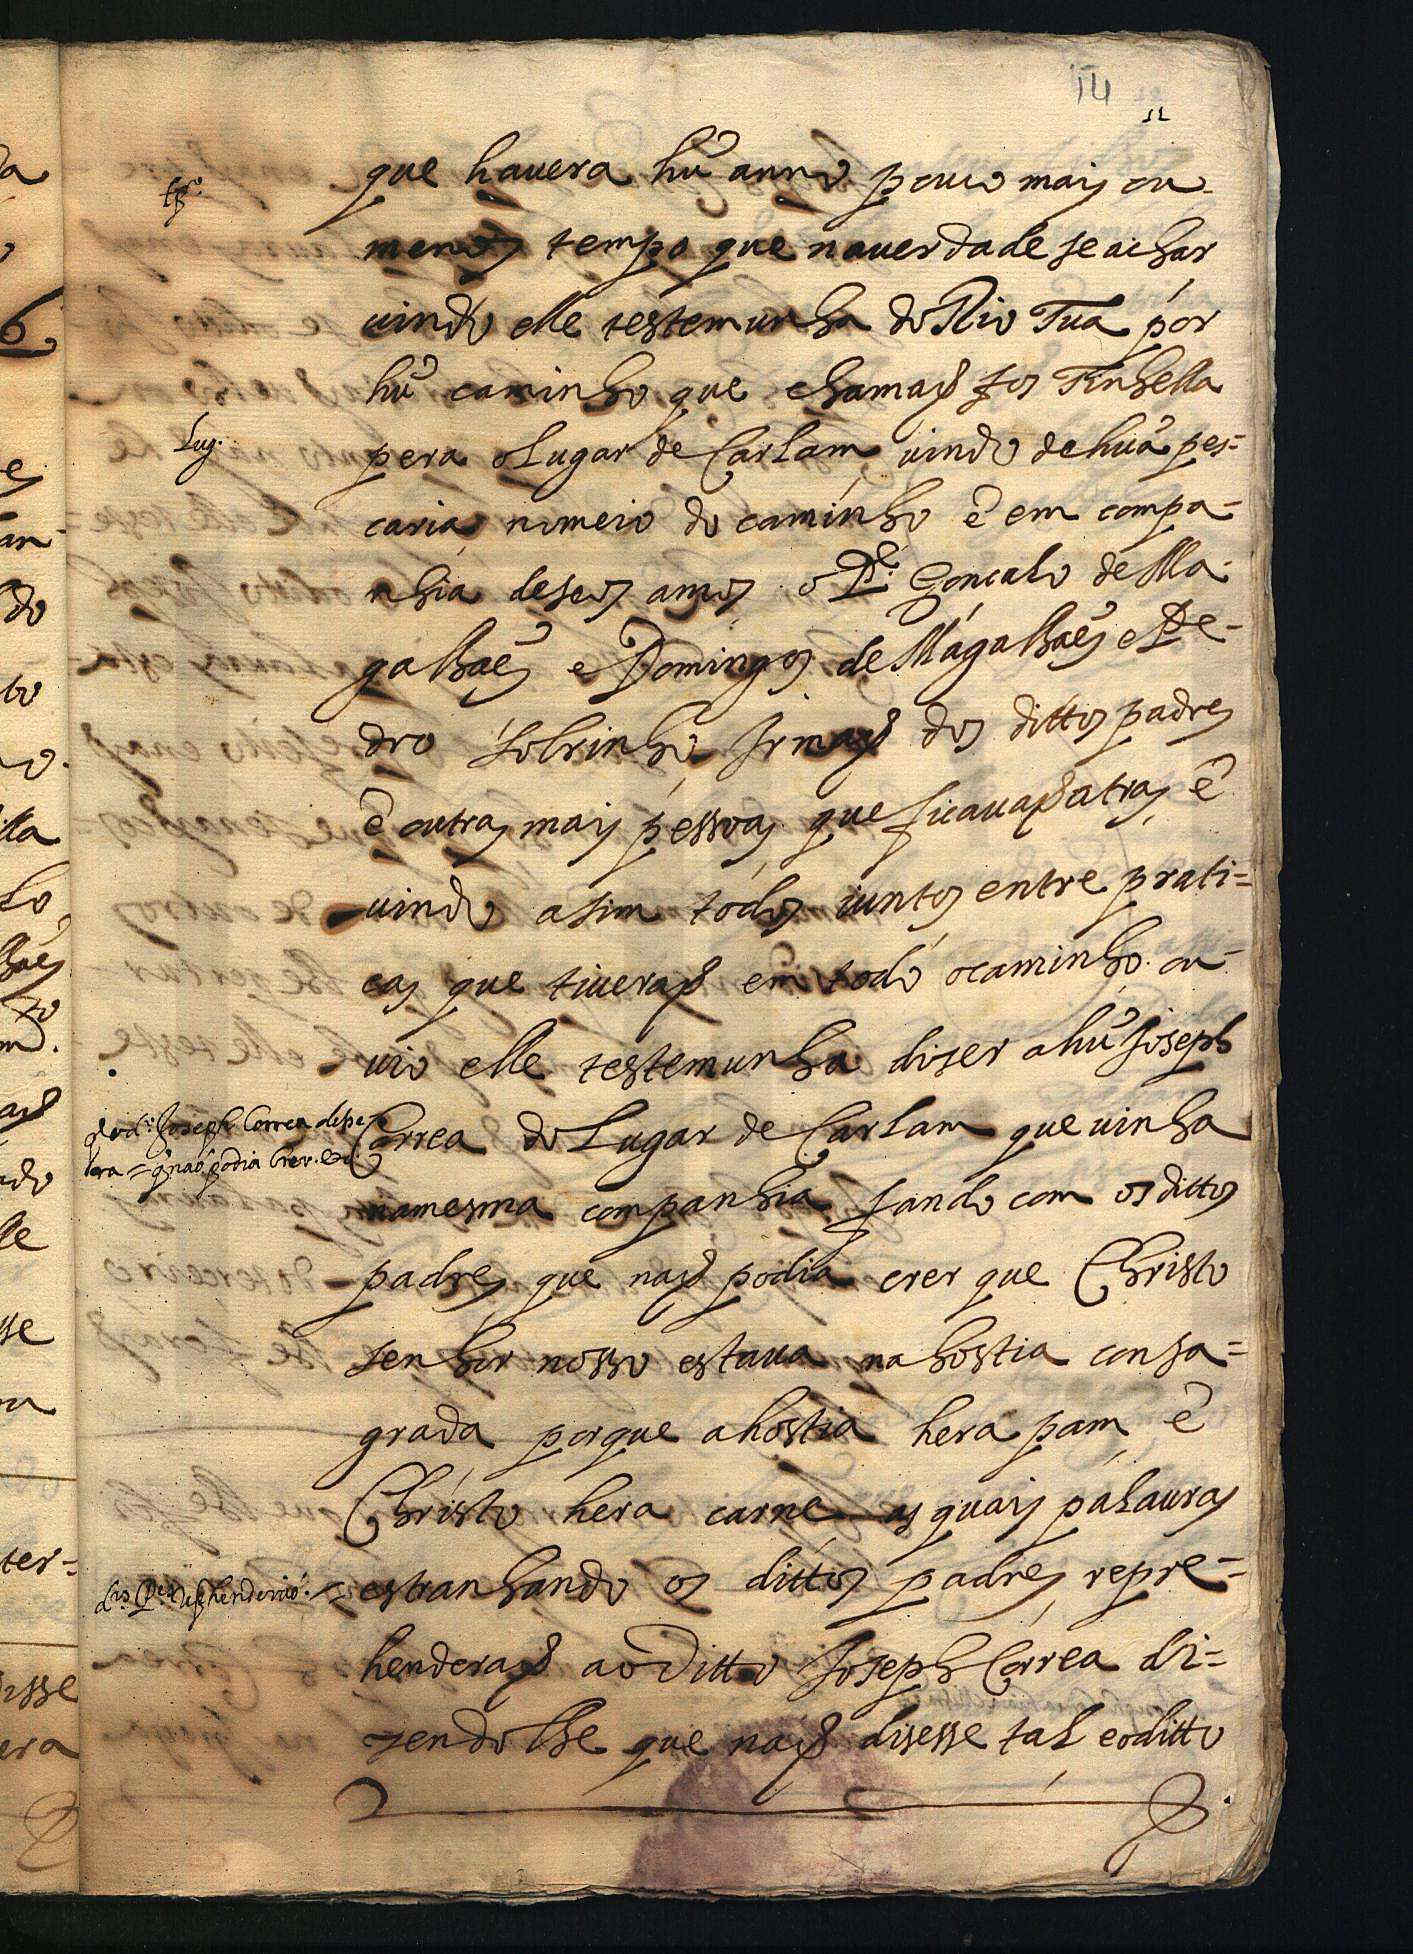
que hauera hū anno pouco mais ou
tp.o
menos tempo que na uerdade se achar
uindo elle testemunha do Rio Tua por
hū caminho que chamaõ fos Tinhella
Lug.
pera o Lugar de Carlam, uindo de huā pes
caria no meio do caminho e em compa
nhia de seos amos o P.e Gonçalo de Ma
galhaẽs e Domingos de Magalhaẽs e Pe
dro Sobrinho, Jrmaõ dos dittos padres
e outras mais pessoas que ficauaõ atras, e
uindo asim todos iuntos, entre prati
cas que tiueraõ em todo o caminho; ou
uio elle testemunha dizer a hū Joseph
q̄ o d.o Jozeph Correa disse
ra = q̄ naõ podia Crer &c
Correa do Lugar de Carlam que uinha
na mesma companhia fando com os dittos
padres que naõ podia crer que Christo
senhor nosso estaua na hostia consa
grada porque a hostia hera pam, e
Christo hera carne, as quais palauras
d.os P.es Rep̄henderaõ.
estranhando os dittos padres, repre
henderaõ ao ditto Joseph Correa di
zendolhe que naõ disesse tal, e o ditto
